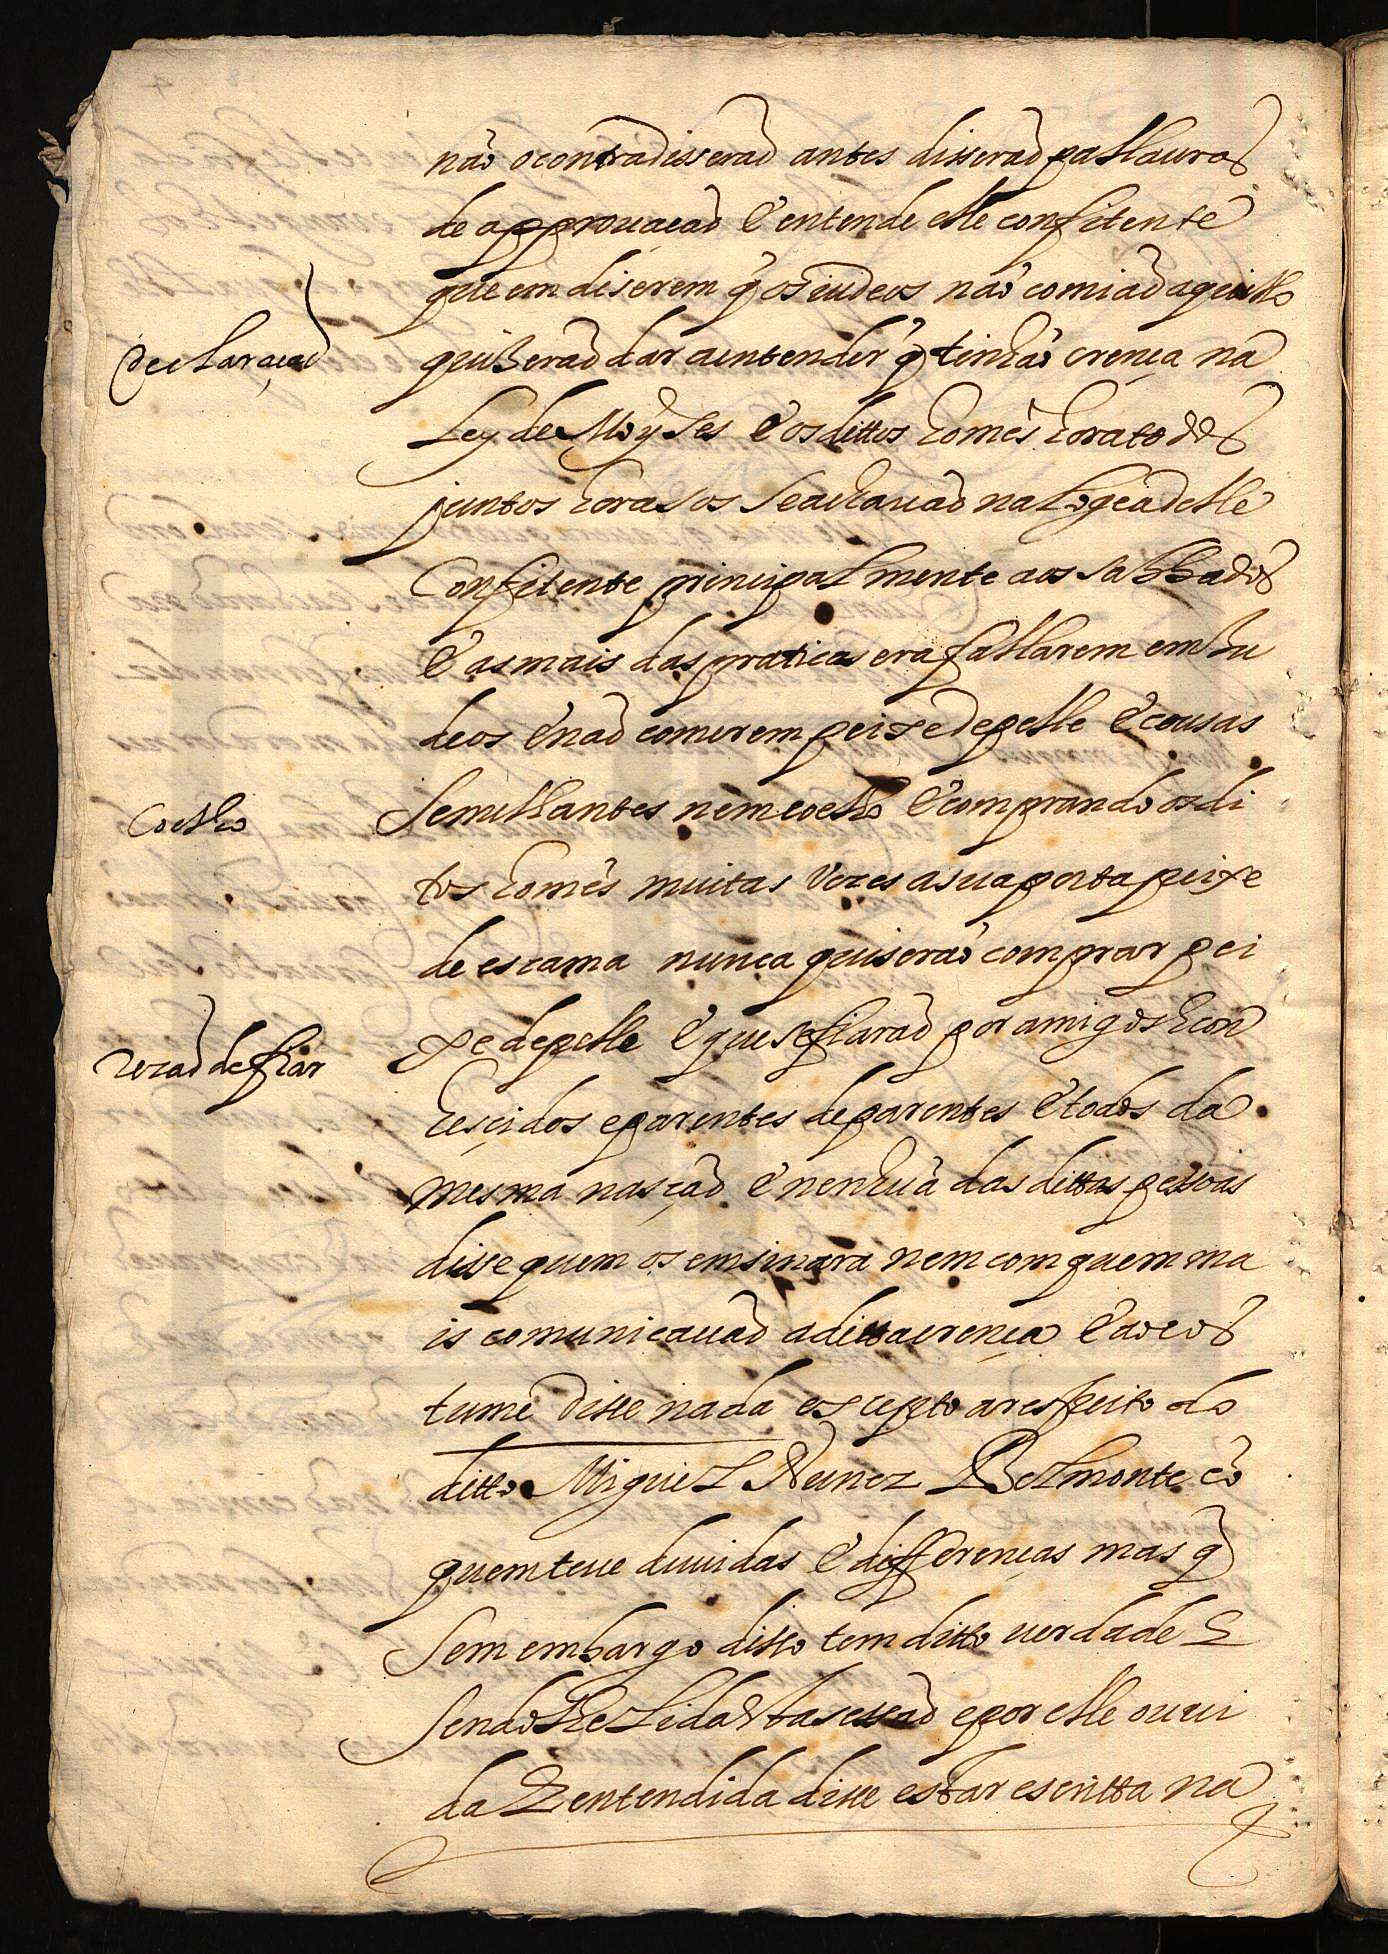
declaraçaõ
Coelho
rezaõ de fiar
não o contradisseraõ antes disseraõ pallauras
de approuação e entende elle confitente
que em diserem q̄ os iudeos naõ comiaõ aquillo
quizerão dar a entender q̄ tinhaõ crença na
Ley de Moyses e os dittos homēs hora todos
juntos hora sos se achauão na Logea delle
Confitente principalmente aos sabbados
E as mais das praticas era fallarem em Iu
deos e naõ comerem peixe de pelle e cousas
Semelhantes nem coelho e comprando os di
tos homēs muitas vezes a sua porta peixe
de escama nunca quiseraõ comprar pei
xe de pelle e que se fiaraõ por amigos E con
hescidos e parentes de parentes e todos da
mesma nasçaõ, e nenhuā das dittas pessoas
disse quem os emsinara nem com quem ma
is comunicauão a ditta crença e ao cos
tume disse nada escepto a respeito do
ditto Miguel Nunez Belmonte cō
quem teue duuidas e differenças, mas q̄
sem embargo disso tem ditto uerdade E
sendolhe Lida esta sessão e por elle ouui
da E entendida disse estar escritta na
